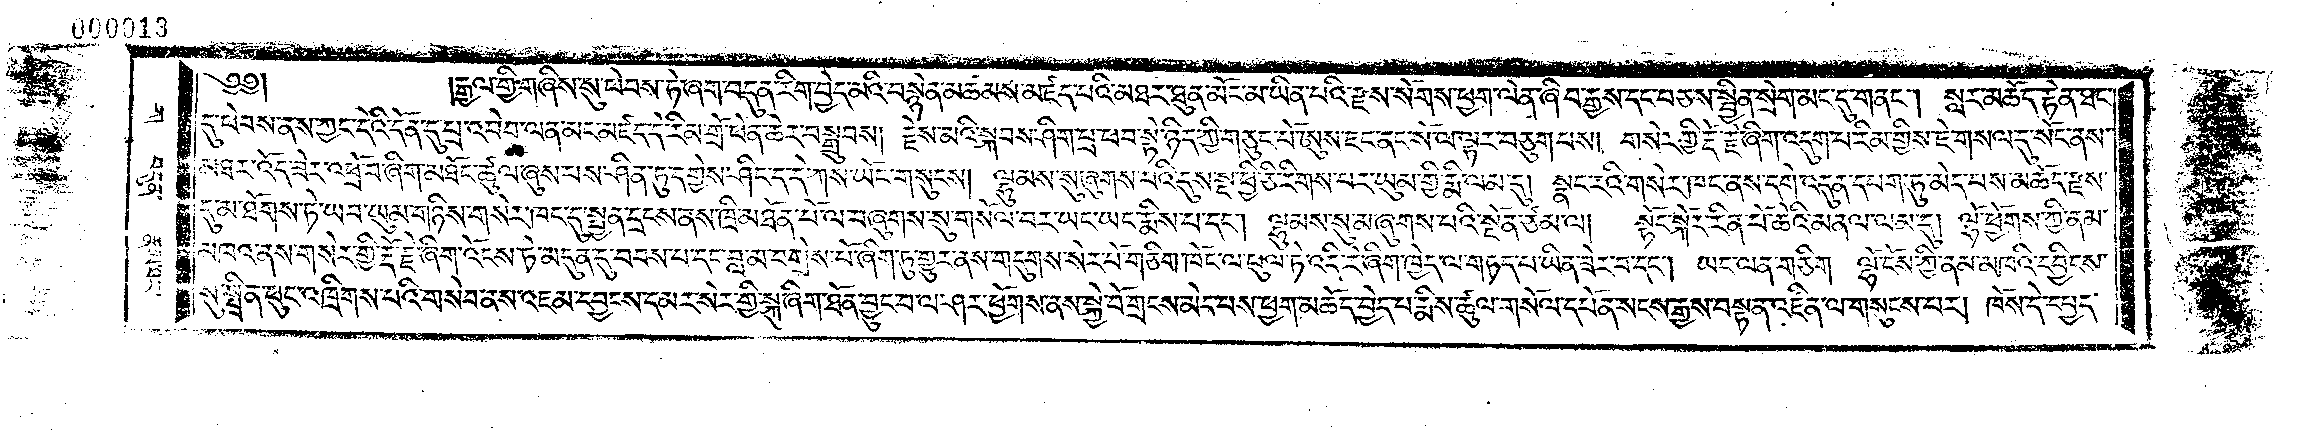༄༅། །རྒྱལ་གྱི་གཞིས་སུ་ཕེབས་ཏེ་ཞག་བདུན་རིག་བྱེད་མའི་བསྙེན་མཚམས་མཛད་པའི་མཐར་ཐུན་མོང་མ་ཡིན་པའི་རྫས་སོགས་ཕྱག་ལེན་ཞིབ་རྒྱས་དང་བཅས་སྦྱིན་སྲེག་མང་དུ་གནང་། སླར་མཆོད་རྟེན་ཐང་
དུ་ཕེབས་ནས་ཀྱང་དེའི་དོན་དུ་པྲ་འབེབས་ལན་མང་མཛད་དེ་རིམ་གྲོ་ཕེན་ཆེར་བསྒྲུབས། རྗེས་མའི་སྐབས་ཤིག་པྲ་ཕབ་སྟེ་ཉིད་ཀྱི་གཅུང་པོ་ཨུས་ཇང་ནང་སོ་ལ་ལྟར་བཅུག་པས། གསེར་གྱི་རྡོ་རྗེ་ཞིག་འདུག་པ་རིམ་གྱིས་ཇེ་གསལ་དུ་སོང་ནས་
མཐར་འོད་ཟེར་འཕྲོ་བ་ཞིག་མཐོང་ཚུལ་ཞུས་པས་ཤིན་ཏུ་དགྱེས་ཤིང་ད་དེ་ཀས་ཡོང་གསུངས། ལྷུམས་སུ་ཞུགས་པའི་དུས་སྔ་ཕྱི་ཅི་རིགས་པར་ཡུམ་གྱི་རྨི་ལམ་དུ། སྣང་རའི་གསེར་ཁང་ནས་དགེ་འདུན་དཔག་ཏུ་མེད་པས་མཆོད་རྫས་
དུ་མ་ཐོགས་ཏེ་ཡབ་ཡུམ་གཉིས་གསེར་ཁང་དུ་སྤྱན་དྲངས་ནས་ཁྲི་མཐོན་པོ་ལ་བཞུགས་སུ་གསོལ་བར་ཡང་ཡང་རྨིས་པ་དང་། ལྷུམས་སུ་མ་ཞུགས་པའི་སྔོན་ཙམ་ལ། སྟོང་སྐོར་རིན་པོ་ཆེའི་མནལ་ལམ་དུ། ལྷོ་ཕྱོགས་ཀྱི་ནམ་
མཁའ་ནས་གསེར་གྱི་རྡོ་རྗེ་ཞིག་འོངས་ཏེ་མདུན་དུ་བབས་པ་དང་བླ་མ་བགྲེས་པོ་ཞིག་ཏུ་གྱུར་ནས་གདུགས་སེར་པོ་གཅིག་ཁོང་ལ་ཕུལ་ཏེ་འདི་རེ་ཞིག་ཁྱེད་ལ་གཏད་པ་ཡིན་ཟེར་བ་དང་། ཡང་ལན་གཅིག་ལྷོ་ངོས་ཀྱི་ནམ་མཁའི་དབྱིངས་
སུ་སྤྲིན་ཕུང་འཁྲིགས་པའི་གསེབ་ནས་འཇམ་དབྱངས་དམར་སེར་གྱི་སྐུ་ཞིག་ཐོན་བྱུང་བ་ལ་ཤར་ཕྱོགས་ནས་སྐྱེ་བོ་གྲངས་མེད་པས་ཕྱག་མཆོད་བྱེད་པ་རྨིས་ཚུལ་གསོལ་དཔོན་སངས་རྒྱས་བསྟན་འཛིན་ལ་གསུངས་པར། ཁོས་དེ་དཔྱད་